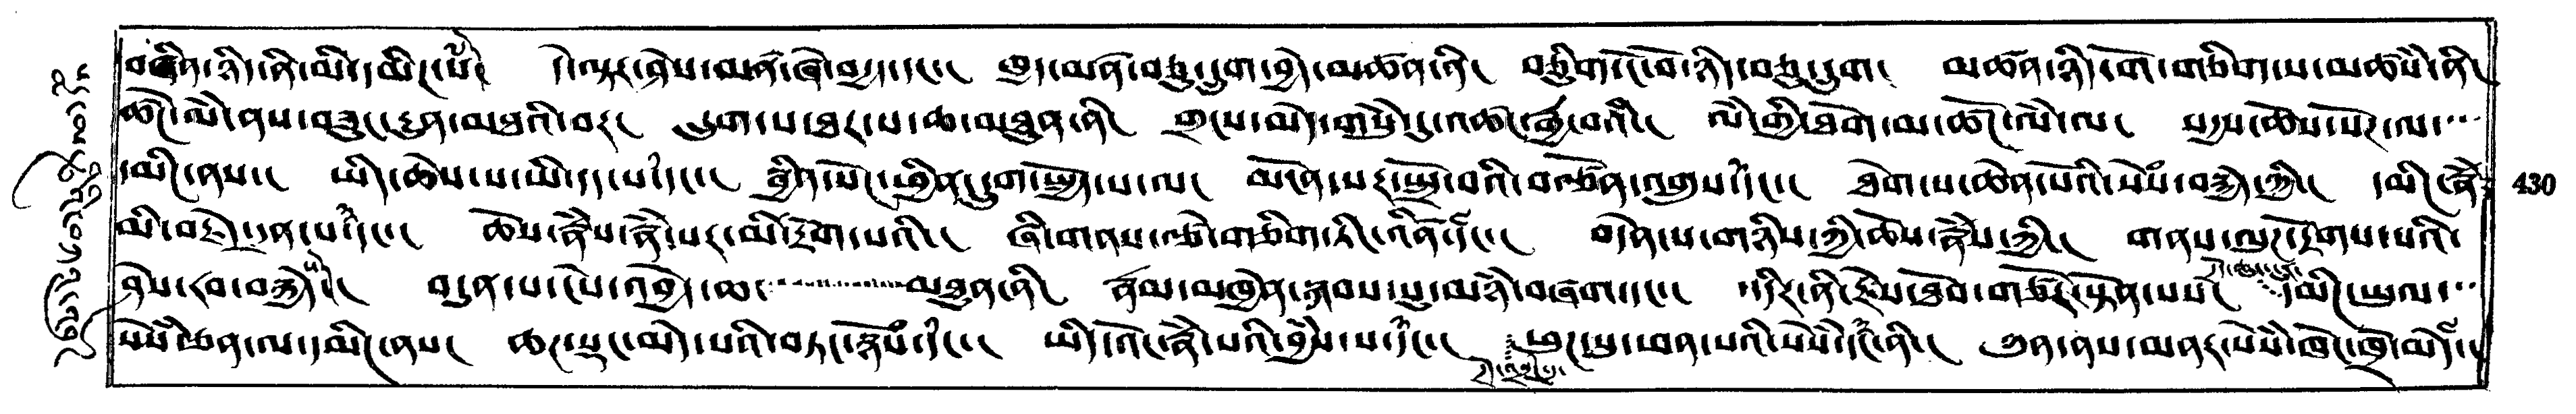བཞིན་ཉིད་ནི་མི་དམིགས་པ། །དེ་ལྟར་ཤེས་མཚན་ཞེ་བརྒྱད་དང་། ཁྱད་མཚན་བཅུ་དྲུག་བྱེད་མཚན་ནི། །བཅུ་གཅིག་ངོ་བོ་ཉིད་བཅུ་དྲུག །མཚན་ཉིད་གོ་གཅིག་ས་མཚམས་ནི། །
ཚོགས་ལམ་ནས་བཟུང་རྒྱུན་མཐའི་བར། །དྲུག་པ་ཐར་པ་ཆ་མཐུན་ནི། །གྲངས་མེད་གསུམ་དུ་འཚང་རྒྱ་བའི། །ལམ་གྱི་ཐོག་མ་ཚོགས་ལམ་ལ། །སངས་རྒྱས་ཆོས་སོགས་ལ་
དམིགས་ནས། །ཡིད་ཆེས་པ་ཡི་དད་པ་དང་། །སྦྱིན་སོགས་ཕྱིན་དྲུག་སྤྱོད་པ་ལ། །མངོན་པར་སྤྲོ་བའི་བརྩོན་འགྲུས་དང་། །ཐེག་པ་ཆེན་པོའི་སེམས་བསྐྱེད་ཀྱི། །དམིགས་རྣམ་
མི་བརྗེད་དྲན་པ་དང་། །ཆོས་རྣམས་རྣམ་པར་མི་རྟོག་པའི། །ཞི་གནས་རྩེ་གཅིག་ཏིང་འཛིན་དང་། །བདེན་པ་གཉིས་ཀྱི་ཆོས་རྣམས་ཀྱི། །གནས་ལུགས་རྟོགས་པའི་
ཤེས་རབ་བསྐྱེད། །བདུན་པ་ངེས་འབྱེད་ཆ་མཐུན་ནི། །རྣམ་མཁྱེན་སྐབས་སུ་མཉམ་བཞག་དང་། །འདིར་ནི་རྗེས་ཐོབ་གཙོར་སྟོན་པས།། དྲོད་ཆུང་ངུར་དམིགས་ཡུལ་
སེམས་ཅན་ལ་དམིགས་ནས། །ཆགས་སྡང་མེད་པའི་བཏང་སྙོམས་དང་། །ཡིད་འོང་རྣམ་པའི་བྱམས་པ་དང་། དྲོད་འབྲིང་དུ་ཕུགས་སུ་ཕན་པའི་སེམས་དང་ནི། །ཀུན་ནས་མནར་སེམས་ཁོང་ཁྲོ་མེད། །